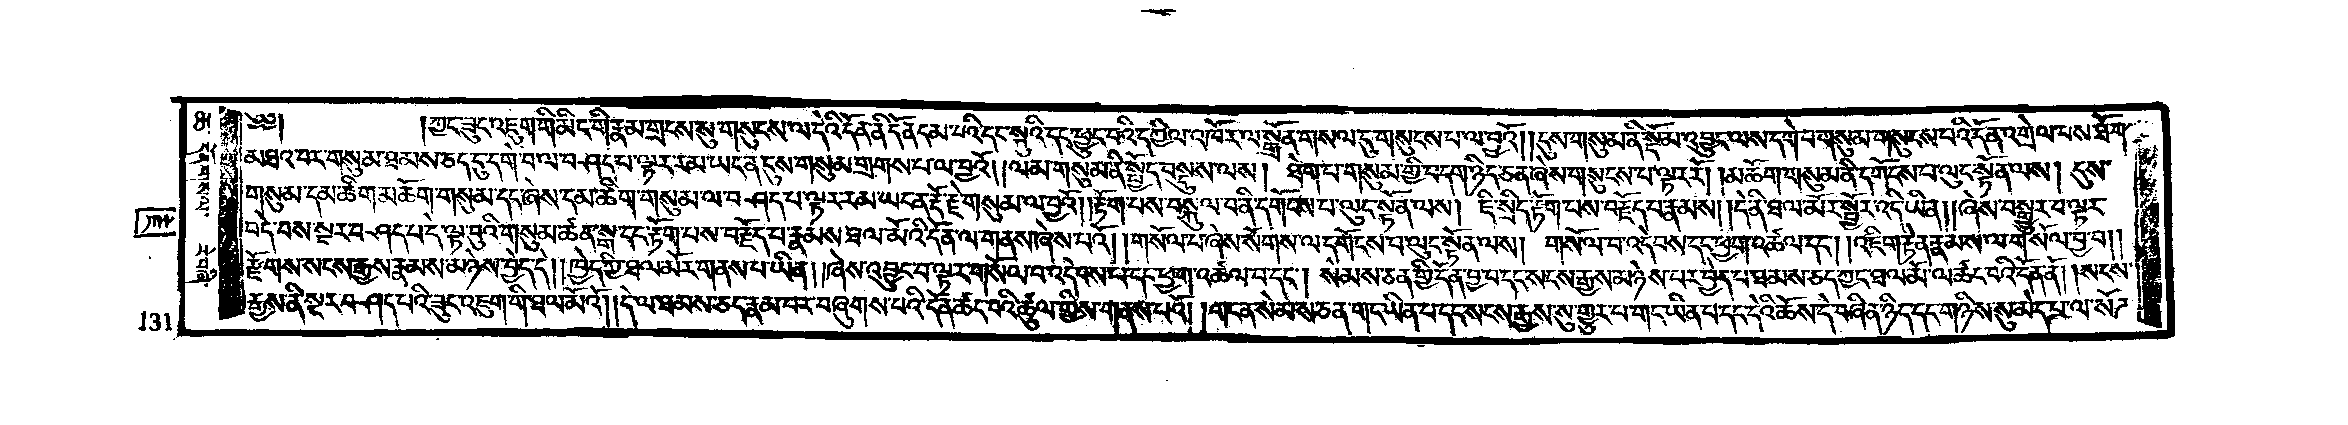༄༅། །ཀྱང་ཟུང་འཇུག་གི་མིང་གི་རྣམ་གྲངས་སུ་གསུངས་ལ་དེའི་དོན་ནི་དོན་དམ་པའི་དང་སྐུའི་དང་ཕྱུང་བའི་དཀྱིལ་འཁོར་ལ་སྒྲོན་གསལ་དུ་གསུངས་པ་ལ་བྱའོ། །དུས་གསུམ་ནི་སྡོམ་འབྱུང་ལས་དགེ་བ་གསུམ་གསུངས་པའི་དོན་འགྲེལ་པས་ཐོག་
མཐའ་བར་གསུམ་ཐམས་ཅད་དུ་དགེ་བ་ལ་བཤད་པ་ལྟར་རམ་ཡང་ན་དུས་གསུམ་གྲགས་པ་ལ་བྱའོ། །ལམ་གསུམ་ནི་སྤྱོད་བསྡུས་ལས། ཐེག་པ་གསུམ་གྱི་བདག་ཉིད་ཅན་ཞེས་གསུངས་པ་ལྟར་རོ། །མཆོག་གསུམ་ནི་དགོངས་པ་ལུང་སྟོན་ལས། དུས་
གསུམ་དམ་ཚིག་མཆོག་གསུམ་དང་ཞེས་དམ་ཚིག་གསུམ་ལ་བཤད་པ་ལྟར་རམ་ཡང་ན་རྡོ་རྗེ་གསུམ་ལ་བྱའོ། །རྟོག་པས་བསྐུལ་བ་ནི་དགོངས་པ་ལུང་སྟོན་ལས། ཇི་སྲིད་རྟོག་པས་བརྗོད་པ་རྣམས། །དེ་ནི་ཐལ་མོར་སྦྱོར་འདི་ཡིན། །ཞེས་བསྒྱུར་བ་ལྟར་
བདེ་བས་སྔར་བཤད་པ་དེ་ལྟ་བུའི་གསུམ་ཚན་སྒྲ་དང་རྟོག་པས་བརྗོད་པ་རྣམས་ཐལ་མོའི་དོན་ལ་གནས་ཞེས་པའོ། །གསོལ་པ་ཞེས་སོགས་ལ་དགོངས་པ་ལུང་སྟོན་ལས། གསོལ་བ་འདེབས་དང་ཕྱག་འཚལ་དང་། །འཇིག་རྟེན་རྣམས་ལ་གསོལ་བྱ་བ། །
རྫོགས་སངས་རྒྱས་རྣམས་མཉེས་བྱེད་དེ། །ཁྱེད་ཀྱི་ཐལ་མོར་གནས་པ་ཡིན། །ཞེས་འབྱུང་བ་ལྟར་གསོལ་བ་འདེབས་པ་དང་ཕྱག་འཚལ་བ་དང་། སེམས་ཅན་གྱི་དོན་བྱ་བ་དང་སངས་རྒྱས་མཉེས་པར་བྱེད་པ་ཐམས་ཅད་ཀྱང་ཐལ་མོ་ལ་ཚང་བའི་དོན་ནོ། །སངས་
རྒྱས་ནི་སྔར་བཤད་པའི་ཟུང་འཇུག་གི་ཐལ་མོའོ། །དེ་ལ་ཐམས་ཅད་རྣམ་པར་བཞུགས་པའི་དོན་ཚང་བའི་ཚུལ་གྱིས་གནས་པའོ། །གང་ན་སེམས་ཅན་གང་ཡིན་པ་དང་སངས་རྒྱས་སུ་གྱུར་པ་གང་ཡིན་པ་དང་དེའི་ཆོས་དེ་བཞིན་ཉིད་དང་གཉིས་སུ་མེད་པ་ལ་སོགས་